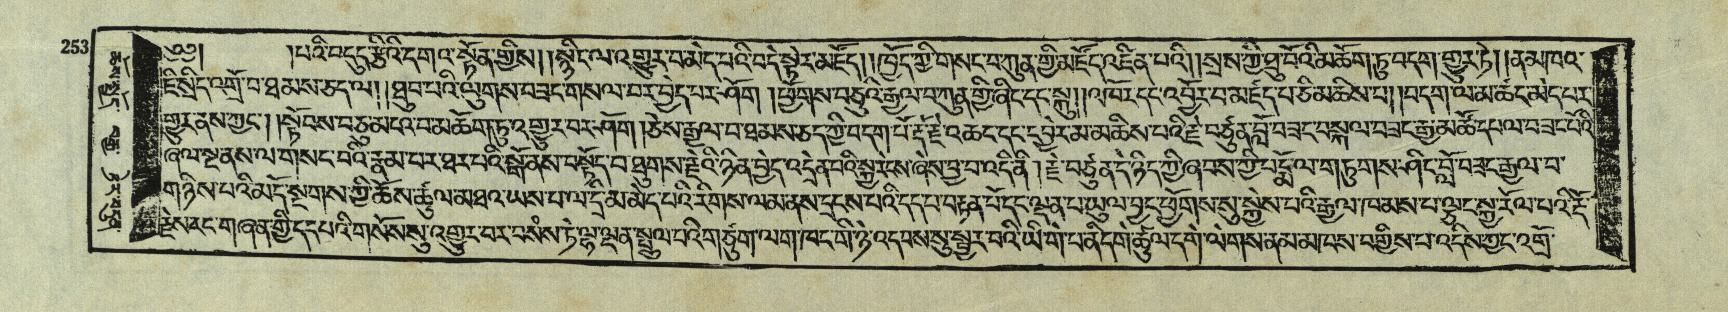༄༅། །པའི་བདུད་རྩིའི་དགའ་སྟོན་གྱིས། །སྙིང་ལ་འགྱུར་བ་མེད་པའི་བདེ་སྟེར་མཛོད། །ཁྱོད་ཀྱི་གསང་བ་ཀུན་གྱི་མཛོད་འཛིན་པའི། །སྲས་ཀྱི་ཐུ་བོའི་མཆོག་ཏུ་བདག་གྱུར་ཏེ། །ནམ་མཁའ་
ཇི་སྲིད་འགྲོ་བ་ཐམས་ཅད་ལ། །ཐུབ་པའི་ལུགས་བཟང་གསལ་བར་བྱེད་པར་ཤོག །ཕྱོགས་བཅུའི་རྒྱལ་བ་ཀུན་གྱི་ཞིང་དང་སྐུ། །འཁོར་དང་འབྱོར་བ་མཛད་པ་ཅི་མཆིས་པ། །བདག་ལ་མ་ཚང་མེད་པར་
གྱུར་ནས་ཀྱང་། །སྟོབས་བཅུ་མངའ་བ་མཆོག་ཏུ་འགྱུར་བར་ཤོག །ཅེས་རྒྱལ་བ་ཐམས་ཅད་ཀྱི་བདག་པོ་རྡོ་རྗེ་འཆང་དང་དབྱེར་མ་མཆིས་པའི་རྗེ་བཙུན་བློ་བཟང་བསྐལ་བཟང་རྒྱ་མཚོ་དཔལ་བཟང་པོའི་
ཞལ་སྔ་ནས་ལ་གསང་བའི་རྣམ་པར་ཐར་པའི་སྒོ་ནས་བསྟོད་བ་ཐུགས་རྗེའི་ཉིན་བྱེད་འདྲེན་པའི་སྐྱ་རེངས་ཞེས་བྱ་བ་འདི་ནི། རྗེ་བཙུན་དེ་ཉིད་ཀྱི་ཞབས་ཀྱི་པདམོ་ལ་གཏུགས་ཤིང་བློ་བཟང་རྒྱལ་བ་
གཉིས་པའི་མདོ་སྔགས་ཀྱི་ཆོས་ཚུལ་མཐའ་ཡས་པ་ལ་དྲི་མ་མེད་པའི་རིགས་ལམ་ནས་དྲངས་པའི་དད་པ་བརྟན་པོ་དང་ལྡན་པ་ཡུལ་བྱང་ཕྱོགས་སུ་སྐྱེས་པའི་རྒྱལ་ཁམས་པ་ལྕང་སྐྱ་རོལ་པའི་རྡོ་
རྗེས་རང་གཞན་གྱི་དད་པའི་གསོས་སུ་འགྱུར་བར་བསཾས་ཏེ་ལྷ་ལྡན་སྤྲུལ་པའི་གཙུག་ལག་ཁང་གི་ཉེ་འདབས་སུ་སྦྱར་བའི་ཡི་གེ་པ་ནི་དགེ་ཚུལ་དགེ་ལེགས་ནམ་མཁས་བགྱིས་པ་འདིས་ཀྱང་འགྲོ་